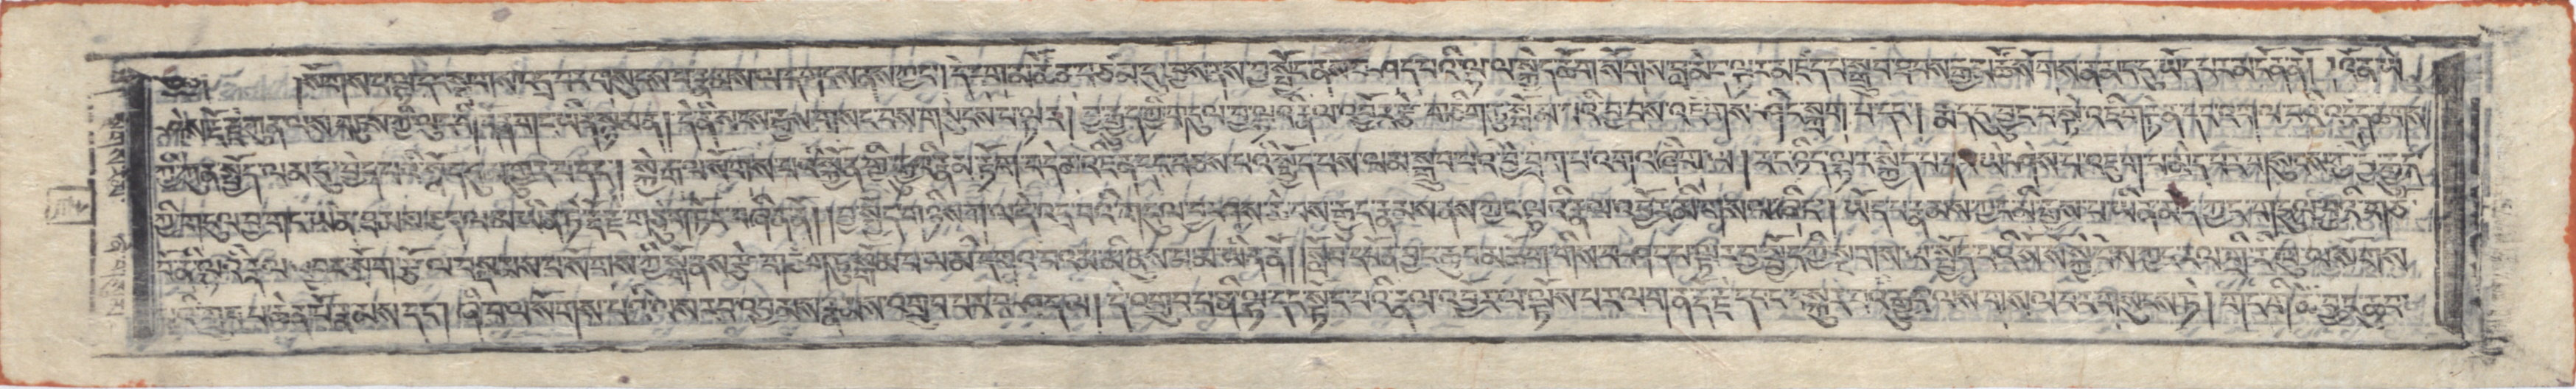༄༅། །སོགས་པ་ལྷ་དང་སྔགས་འདྲ་བར་གསུངས་པ་རྣམས་ལ་དགོངས་ནས་ཀྱང་། དེ་དག་མཚོན་པ་ཙམ་དུ་བྱས་ནས་བྱ་སྤྱོད་ནས་བཤད་པའི་ལྷ་ལ་སྐྱེད་ཆོག་སོགས་བླ་མེད་ལྟར་མཛད་པ་སྒྲུབ་ཐབས་རྒྱ་མཚོ་སོགས་ན་མང་དུ་ཡོད་པར་མངོན་ནོ། །འོ་ན་ཡེ་
ཤེས་རྡོ་རྗེ་ཀུན་ལས་བཏུས་ཀྱི་ལུང་གི་དོན་གང་ཡིན་སྙམ་ན། དེ་ནི་སངས་རྒྱས་གསང་བས་གསུངས་པ་ལྟར། བྱ་རྒྱུད་ཀྱི་གདུལ་བྱ་ལྷའི་རྣལ་འབྱོར་རྩེ་གཅིག་ཏུ་སྒོམ་པའི་བྱ་བས་འཇིགས་ཤིང་སྐྲག་པ་དང་། རྨད་དུ་བྱུང་བ་སྟེ་འཇིག་རྟེན་དང་འགལ་བའི་འདོད་ཆགས་
ཀྱི་ཀུན་སྤྱོད་ལམ་དུ་བྱེད་པའི་སྣོད་དུ་མ་གྱུར་པ་དང་། སྐྱེ་རྒ་ལ་སོགས་པའི་སྐྱོན་གྱི་རྒྱུའི་རྣམ་རྟོག་བདེན་འཛིན་དང་བཅས་པའི་སྤྱོད་པས་ལམ་སྒྲུབ་པའི་བྱེ་བྲག་པ་འགའ་ཞིག་ལ། རང་ཉིད་ལྷར་སྐྱེད་པ་དང་ཡེ་ཤེས་པ་འཇུག་པ་མེད་པར་གསུངས་ཀྱི་བྱ་རྒྱུད་
ཀྱི་གདུལ་བྱ་གང་ཡིན་ཐམས་ཅད་ལམ་ཡིན་ཏེ་རྡོ་རྗེ་གཙུག་ཏོར་བཞིན་ནོ། །བྱ་སྤྱོད་གཉིས་ཀ་ལ་དེ་འདྲ་བའི་གདུལ་བྱ་ཤས་ཆེ་བས་རྒྱུད་རྣམས་ནས་ཀྱང་ལྷའི་རྣལ་འབྱོར་མི་གསལ་ཞིང་། ཡོད་པ་རྣམས་ཀྱང་མི་རྒྱས་པ་ཡིན་མོད་ཀྱང་གདུལ་བྱའི་གཙོ་
བོ་ནི་ལྷའི་རྣལ་འབྱོར་སྲོག་རྩོལ་བསྡམས་པ་སོགས་ཀྱི་སྒོ་ནས་རྩེ་གཅིག་ཏུ་སྒོམ་པ་ལ་མི་དགའ་བའམ་མི་ནུས་པ་མ་ཡིན་ནོ། །སློབ་དཔོན་བྱང་ཆུབ་མཆོག་གིས་བཤད་པ་ལྟར་བྱ་སྤྱོད་ཀྱི་སྔགས་ལ་སྤྱོད་པའི་སོ་སོ་སྐྱེ་བོས་ཀྱང་རལ་གྲི་རི་ལུ་ལ་སོགས་
པའི་གྲུབ་པ་ཆེན་པོ་རྣམས་དང་། ཞི་བ་ལ་སོགས་པའི་ལས་རབ་འབྱམས་རྣམས་འགྲུབ་པར་བཤད་ལ། དེ་འགྲུབ་པ་ནི་ལྷ་དང་སྟོང་པའི་རྣལ་འབྱོར་ལ་ལྟོས་པར་ལག་ན་རྡོ་རྗེ་དབང་བསྐུར་བའི་རྒྱུད་ལས་གསལ་བར་གསུངས་ཏེ། གང་གི་ཚེ་བྱང་ཆུབ་